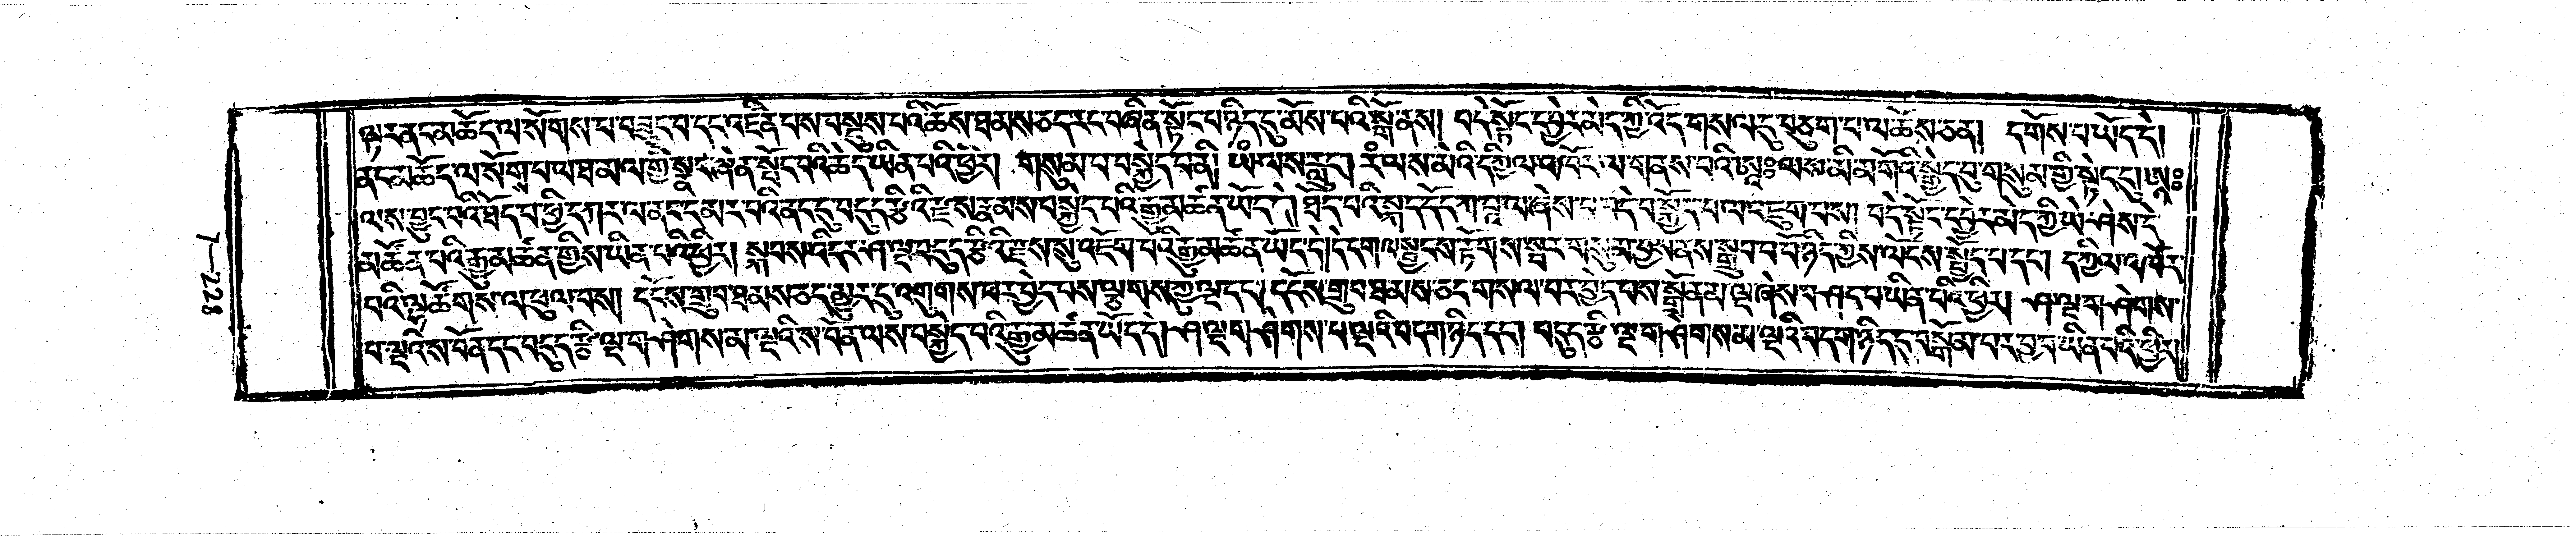ལྟར་ནང་མཆོད་ལ་སོགས་པ་བཟང་བ་དང་འཛིན་པས་བསྡུས་པའི་ཆོས་ཐམས་ཅད་རང་བཞིན་སྟོང་པ་ཉིད་དུ་མོས་པའི་སྒོ་ནས། བདེ་སྟོང་དབྱེར་མེད་ཀྱི་འོད་གསལ་དུ་བཅུག་པ་ལ་ཆོས་ཅན། དགོས་པ་ཡོད་དེ་
ནང་མཆོད་ལ་སོགས་པ་ལ་ཐ་མལ་གྱི་སྣང་ཞེན་སྤོང་བའི་ཆེད་ཡིན་པའི་ཕྱིར། གསུམ་པ་བསྐྱེད་པ་ནི། ཡཾ་ལས་རླུང་། རཾ་ལས་མེའི་དཀྱིལ་འཁོར་ལ་གནས་བའི་ཨཱཿ ལས་མི་མགོའི་སྐྱེད་བུ་གསུམ་གྱི་སྟེང་དུ། ཨཱཿ
ལས་བྱུང་བའི་ཐོད་པ་ཕྱི་དཀར་ལ་ནང་དམར་བའི་ནང་དུ་བདུད་རྩིའི་རྫས་རྣམས་བསྐྱེད་པའི་རྒྱུ་མཚན་ཡོད་དེ། ཐོད་པའི་སྐད་དོད་ཀ་པཱ་ལ་ཞེས་པ་བདེ་བ་སྐྱོད་པ་ལ་འཇུག་པས། བདེ་སྟོང་དབྱེར་མེད་ཀྱི་ཡེ་ཤེས་དེ་
མཚོན་པའི་རྒྱུ་མཚན་གྱིས་ཡིན་པའི་ཕྱིར། སྐབས་འདིར་ཤ་ལྔ་བདུད་རྩིའི་རྫས་སུ་འཇོག་པའི་རྒྱུ་མཚན་ཡོད་དེ། དེ་དག་ལ་སྦྱངས་རྟོགས་སྦར་གསུམ་བྱས་ནས་སྒྲུབ་པ་པོ་ཉིད་ཀྱིས་ལོངས་སྤྱོད་པ་དང་། དཀྱིལ་འཁོར་
པའི་ལྷ་ཚོགས་ལ་ཕུལ་བས། དངོས་གྲུབ་ཐམས་ཅད་མྱུར་དུ་འགུགས་པར་བྱེད་པས་ལྕགས་ཀྱུ་ལྔ་དང་། དངོས་གྲུབ་ཐམས་ཅད་གསལ་བར་བྱེད་པས་སྒྲོན་མ་ལྔ་ཞེས་བཤད་པ་ཡིན་པའི་ཕྱིར། ཤ་ལྔ་གཤེགས་
པ་ལྔའི་ས་བོན་དང་བདུད་རྩི་ལྔ་གཤེགས་མ་ལྔའི་ས་བོན་ལས་བསྐྱེད་པའི་རྒྱུ་མཚན་ཡོད་དེ། ཤ་ལྔ་གཤེགས་པ་ལྔའི་བདག་ཉིད་དང་། བདུད་རྩི་ལྔ་གཤེགས་ལྔའི་བདག་ཉིད་དུ་བསྒོམ་པར་བྱ་བ་ཡིན་པའི་ཕྱིར་